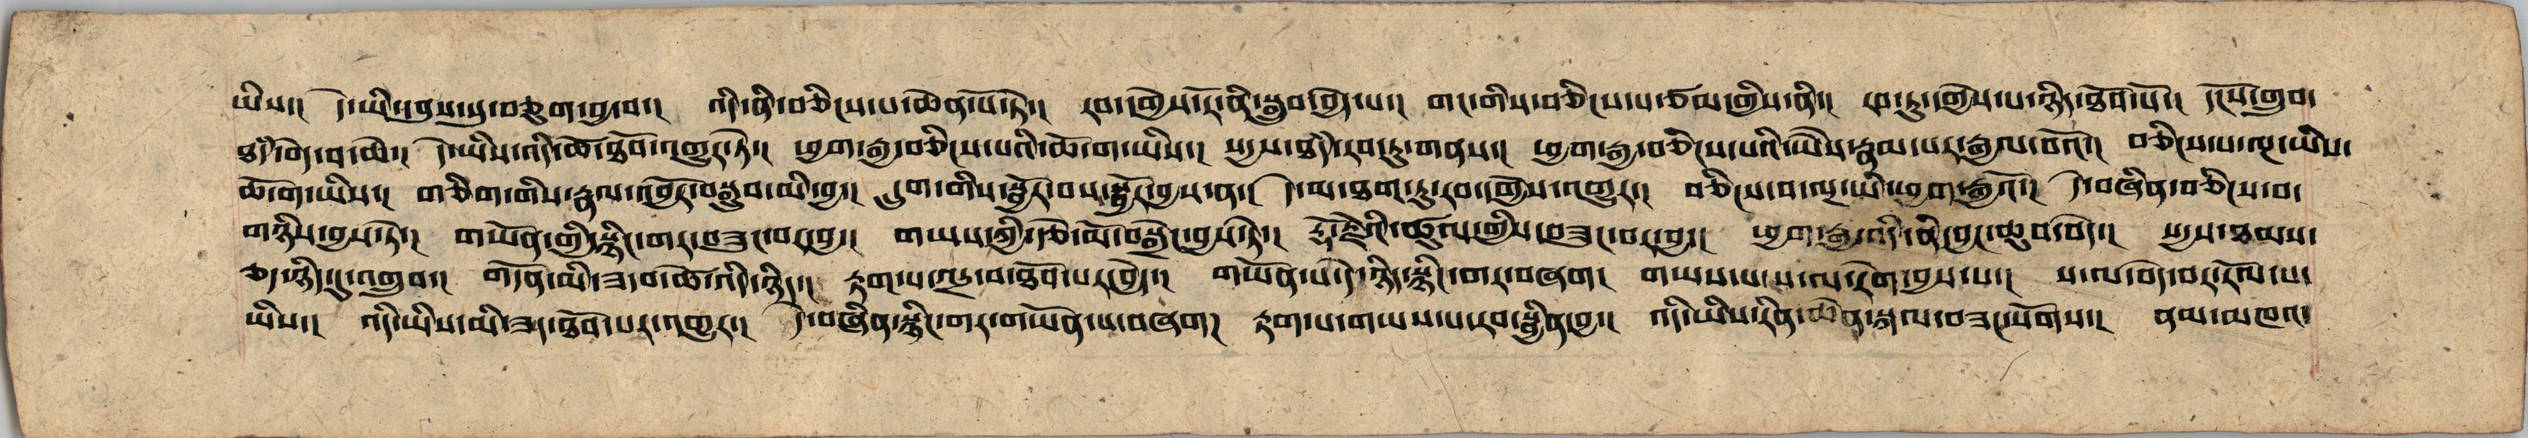ཡིས་། དེ་ཡི་དབུས་སུ་བཅུག་བྱ་བ་། འདི་ནི་བཅིངས་པ་ཆེན་པོ་ཏེ་། རབ་དགྱེས་རོ་ནི་སྒྲུབ་བྱེད་པ་། གང་གིས་བཅིངས་པ་ཙམ་གྱིས་ནི་། རབ་ཏུ་དགྱེས་པ་ཉིད་ཐོབ་སོ་། དངོས་གྲུབ་
ཐདཾ་བདེ་བ་ཆེ་། དེ་ཡིས་འདི་ཆོ་ཐོབ་འགྱུར་ཏེ་། ཕྱག་རྒྱ་བཅིངས་པའི་ཆོ་ག་ཡིས་། སདྱས་ཐདཾ་རབ་ཏུ་གནས་། ཕྱག་རྒྱ་བཅིངས་པའི་ཡཻས་རྣམ་པར་རྒྱལ་བའོ་། བཅིངས་པ་ལྔ་ཡིས་
ཆོ་ག་ཡིས་། གཅིག་གིས་རྣལ་འབྱོར་བསྒྲུབ་མི་བྱ་། དྲུག་གིས་སྦྱོར་བས་སྦྱོར་བྱས་ན་། དེ་མ་ཐག་ཏུ་རབ་དགྱེས་འགྱུར་། བཅིངས་པ་ལྔ་ཡི་ཕྱག་རྒྱའོ་། དེ་བཞིན་བཅིངས་བ་
གཉིས་བྱས་ཏེ་། གཡོན་གྱི་སྙིང་གར་བཟུང་བར་བྱ་། གཡས་ཀྱི་རྩེ་མོ་བསྒྲེང་བྱས་ཏེ་། རྡོ་རྗེའི་ཚུལ་གྱིས་བཟུང་བར་བྱ་། ཕྱག་རྒྱ་འདི་ནི་བྱང་ཆུབ་བདེ་། སདྱས་ཐམས་
ཅད་ཉིད་དུ་འགྲུབ་། གདོན་མི་ཟ་བ་ཚེ་འདི་ཉིད་། རྟག་པ་འདྲ་བ་ཐོབ་པར་བྱེད་། གཡོན་པ་དེ་ཉིད་སྙིང་གར་བཞག། གཡས་པ་ས་ལ་རེག་བྱས་པ་། ས་ལ་བདེ་བར་རོལ་པ་
ཡིས་། འདི་ཡིས་མི་ཟད་ཐོབ་པར་འགྱུར་། དེ་བཞིན་སྙིང་གར་གཡོན་པ་བཞག། རྟག་པ་གཡས་པ་རབ་སྦྱིན་བྱ་། འདི་ཡིས་རིན་ཆེན་སྐལ་བཟང་སོགས་། ནམ་མཁའ་